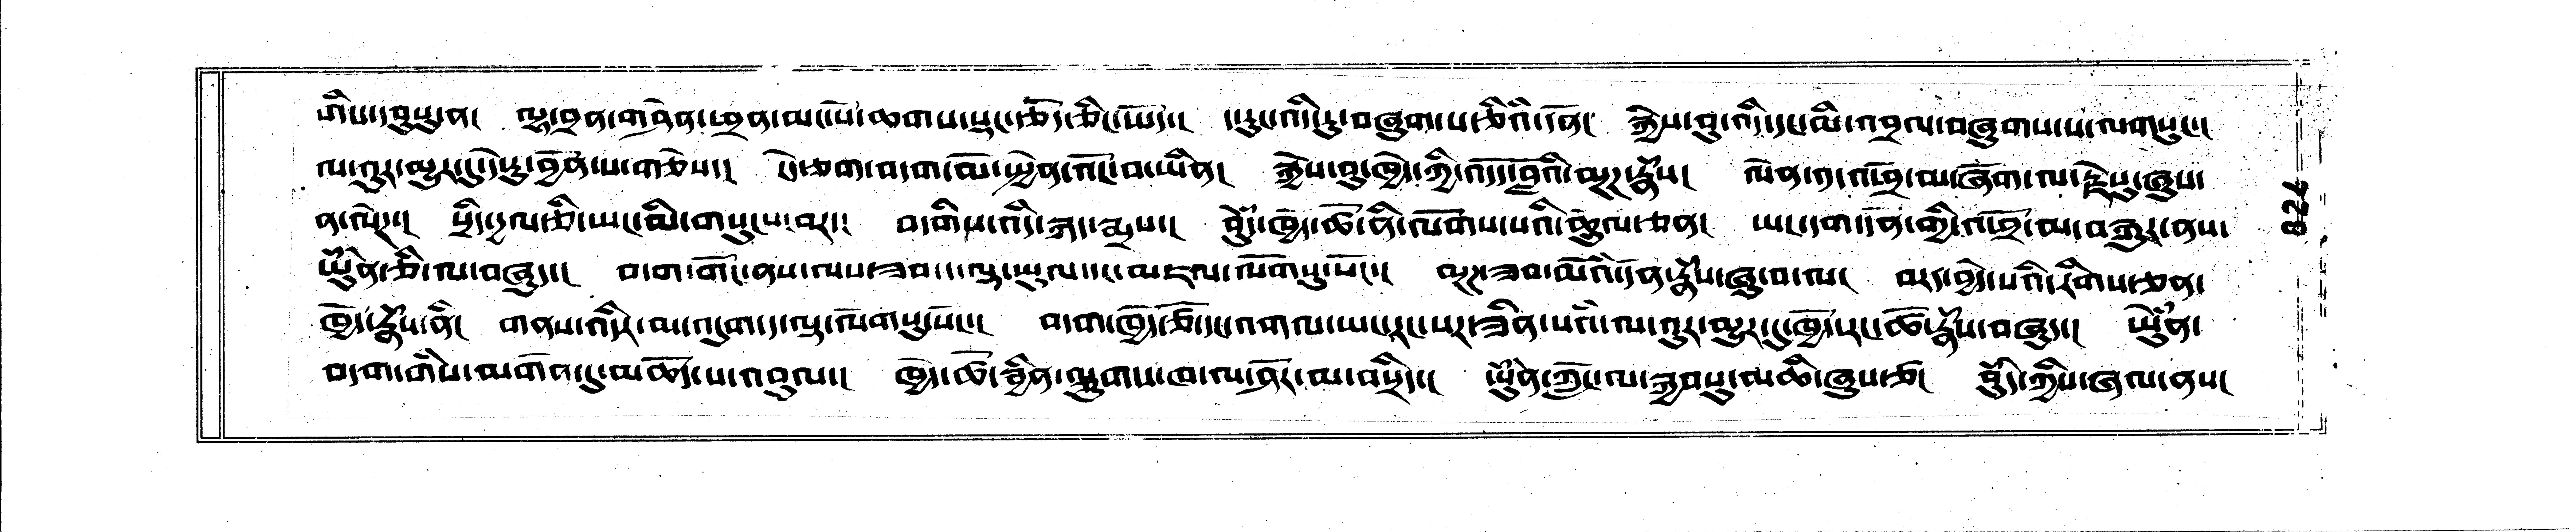གི་དབུས་སུ་ན། ལྷ་བྲན་གཤེན་ཕྲན་མང་པོ་ཆགས་སྡང་རྩོད་ཅིང་ཡོད། ད་རུང་འདི་རུ་བཞུགས་པ་ཅིའི་དོན། སྐྱེས་བུ་འདི་དང་མི་འབྲལ་བཞུགས་པ་ལགས་གསུངས། 
ལ་འུར་མྱུར་དུ་དེ་རུ་བྱོན་པ་གཅེས། ངེད་ཅག་བདག་མོ་སྤྱན་འདྲེན་འོང་བ་ཡིན། སྐྱེས་བུ་ཁྱེད་ཀྱི་འདོད་བློའི་མན་ངག་རྣམས། ལེན་གཅིག་འཕྲོ་མ་ཞོག་ལ་རྗེས་སུ་ཞུས་
ན་ལེགས། སྲིད་རྒྱལ་ཅི་ཡང་མི་གསུངས་བར། བདག་གིས་འདི་སྐད་སྨྲས། བུད་མེད་ཁྱོད་ཚོ་ནི་ལོག་པའི་ཆོ་འཕྲུལ་ཅན། ཡང་དག་དོན་གྱི་འཕྲོ་མ་བསྐུར་ནས།
 ཡུམ་ཆེན་ཅི་ལ་བཞུད། བདག་གོང་ནས་ལས་ཟབ་ད་ལྟ་ཡུམ་དང་མཇལ་ལོགས་སུ་སོང་། མན་ངག་ཟབ་མོའི་དོན་རྣམས་ཞུ་བ་ལ། །བར་ཆད་བྱེད་པའི་རིགས་ཅན་
ཁྱོད་རྣམས་ནི། །གནས་འདིར་མ་འདུག་ད་ལྟ་ལོགས་སུ་སོང་། །བདག་ཁྱོད་ཚོ་དང་འགལ་ཡང་རང་སར་ཟིན་པའི་ལ་འུར་མྱུར་དུ་ཁྱེད་རང་ཚོ་རྣམས་བཞུད། ཡུམ་ཆེན་
བདག་གི་མགོན་དུ་མཆོད་པ་འབུལ། །ཁྱེད་ཚོ་སྦྱིན་ལྕུགས་ཁ་ལ་ཤོར་མི་སྲིད། །ཡུམ་ཆེན་ཀློང་ལ་སྐྱབས་སུ་མཆི་ཞུས་ཙ། །བུད་མེད་ཀྱིས་ཞལ་ནས།